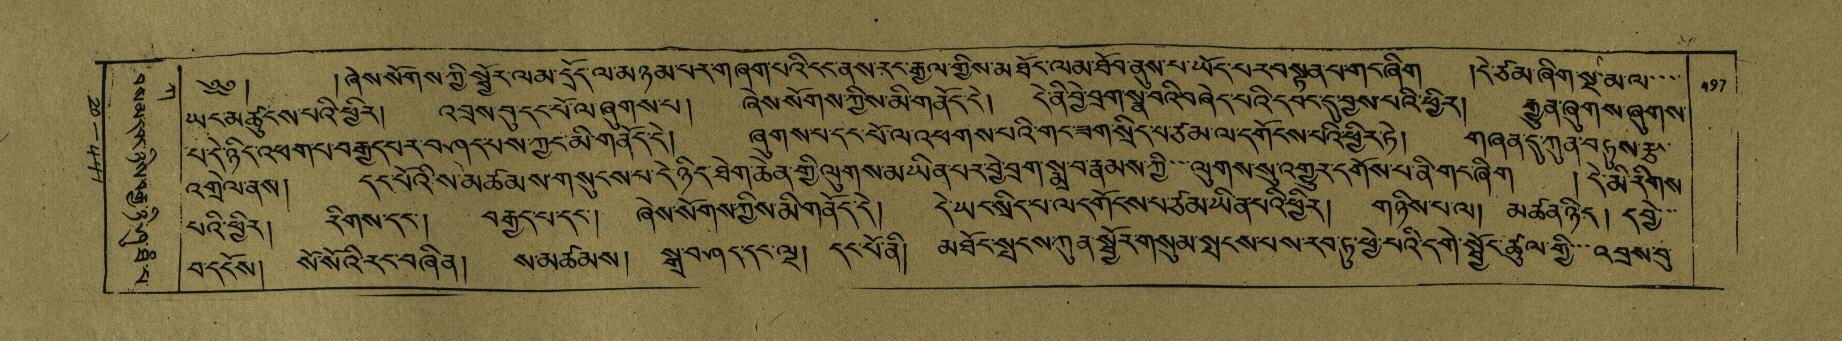༄༅། །ཞེས་སོགས་ཀྱི་སྦྱོར་ལམ་དྲོད་ལ་མཉམ་པར་གཞག་པའི་ངང་ནས་རང་རྒྱལ་གྱིས་མཐོང་ལམ་ཐོབ་ནུས་པ་ཡོད་པར་བསྟན་པ་གང་ཞིག །དེ་ཙམ་ཞིག་སྔ་མ་ལ་
ཡང་མཚུངས་པའི་ཕྱིར། འབྲས་བུ་དང་པོ་ལ་ཞུགས་པ། ཞེས་སོགས་ཀྱིས་མི་གནོད་དེ། དེ་ནི་བྱེ་བྲག་སྣ་བའི་བཞེད་པའི་དབང་དུ་བྱས་པའི་ཕྱིར། རྒྱུན་ཞུགས་ཞུགས་
པ་དེ་ཉིད་འཕག་པ་བརྒྱད་པར་བཤད་པས་ཀྱང་མི་གནོད་དེ། ཞུགས་པ་དང་པོ་ལ་འཕགས་པའི་གང་ཟག་སྲིད་པ་ཙམ་ལ་དགོངས་པའི་ཕྱིར་ཏེ། གཞན་དུ་ཀུན་བཏུས་རྩ་
འགྲེལ་ནས། དང་པོའི་ས་མཚམས་གསུངས་པ་དེ་ཉིད་ཐེག་ཆེན་གྱི་ལུགས་མ་ཡིན་པར་བྱེ་བྲག་སྨྲ་བ་རྣམས་ཀྱི་ལུགས་སུ་འགྱུར་དགོས་པ་ནི་གང་ཞིག །དེ་མི་རིགས་
པའི་ཕྱིར། རིགས་དང་། བརྒྱད་པ་དང་། ཞེས་སོགས་ཀྱིས་མི་གནོད་དེ། དེ་ཡང་སྲིད་པ་ལ་དགོངས་པ་ཙམ་ཡིན་པའི་ཕྱིར། གཉིས་པ་ལ། མཚན་ཉིད། དབྱེ་
བ་དངོས། སོ་སོའི་རང་བཞིན། ས་མཚམས། སྒྲ་བཤད་དང་ལྔ། དང་པོ་ནི། མཐོང་སྤངས་ཀུན་སྦྱོར་གསུམ་སྤངས་པས་རབ་ཏུ་ཕྱེ་བའི་དགེ་སྦྱོང་ཚུལ་གྱི་འབྲས་བུ་